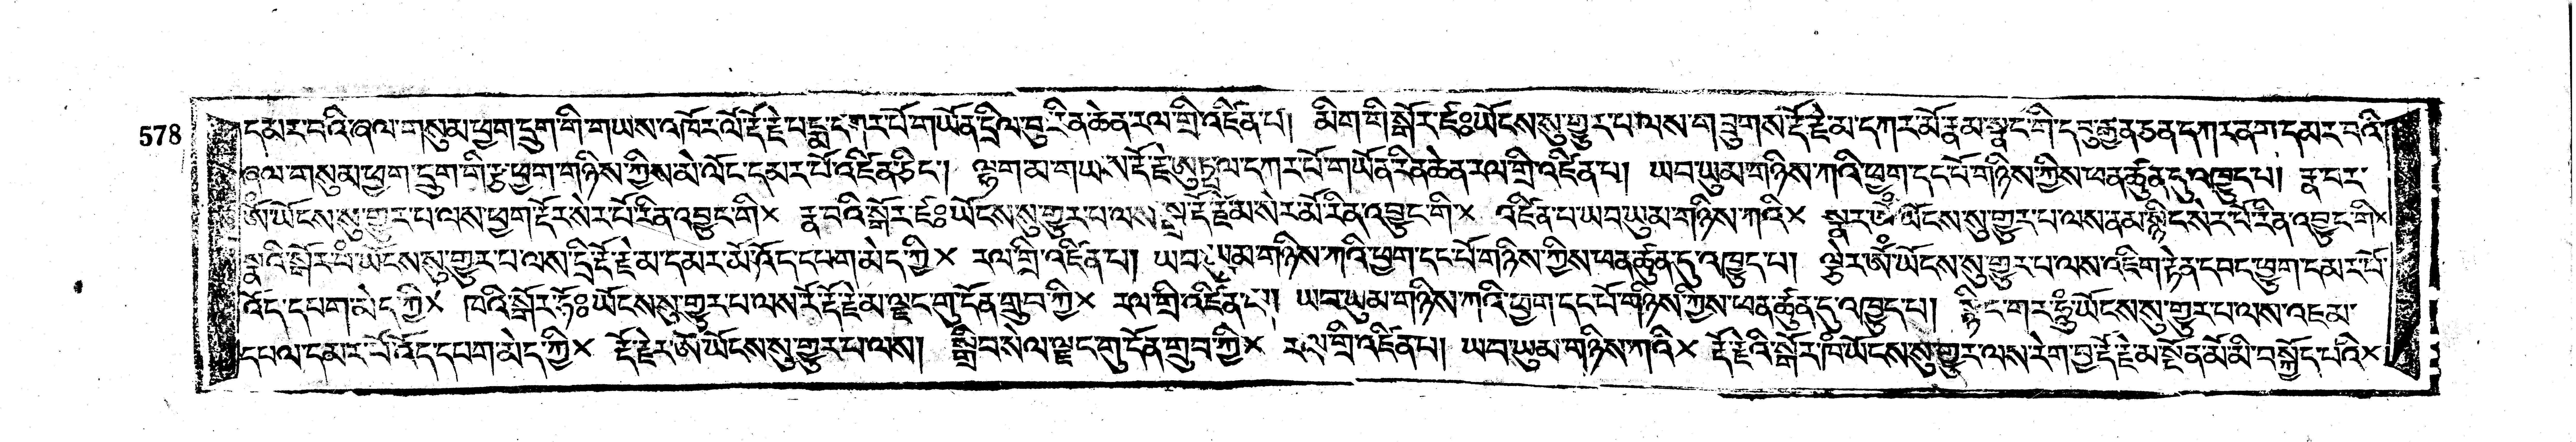དམར་བའི་ཞལ་གསུམ་ཕྱག་དྲུག་གི་གཡས་འཁོར་ལོ་རྡོ་རྗེ་པདམ་དཀར་པོ་གཡོན་དྲིལ་བུ་རིན་ཆེན་རལ་གྲི་འཛིན་པ། མིག་གི་སྒོར་ཛཿཡོངས་སུ་གྱུར་པ་ལས་གཟུགས་རྡོ་རྗེ་མ་དཀར་མོ་རྣམ་སྣང་གི་དབུ་རྒྱན་ཅན་དཀར་ནག་དམར་བའི་
ཞལ་གསུམ་ཕྱག་དྲུག་གི་རྩ་ཕྱག་གཉིས་ཀྱིས་མེ་ལོང་དམར་པོ་འཛིན་ཅིང་། ལྷག་མ་གཡས་རྡོ་རྗེ་ཨུཏྤ་ལ་དཀར་པོ་གཡོན་རིན་ཆེན་རལ་གྲི་འཛིན་པ། ཡབ་ཡུམ་གཉིས་ཀའི་ཕྱག་དང་པོ་གཉིས་ཀྱིས་ཕན་ཚུན་དུ་འཁྱུད་པ། རྣ་བར་
ཨོཾ་ཡོངས་སུ་གྱུར་པ་ལས་ཕྱག་རྡོར་སེར་པོ་རིན་འབྱུང་གི་྾་རྣ་བའི་སྒོར་ཧཱུཾ་ཡོངས་སུ་གྱུར་པ་ལས་སྒྲ་རྡོ་རྗེ་མ་སེར་མོ་རིན་འབྱུང་གི་྾་འཛིན་པ་ཡབ་ཡུམ་གཉིས་ཀའི་྾་སྣར་ཨོཾ་ཡོངས་སུ་གྱུར་པ་ལས་ནམ་སྙིང་སེར་པོ་རིན་འབྱུང་གི་྾་
སྣའི་སྒོར་བཾ་ཡོངས་སུ་གྱུར་པ་ལས་དྲི་རྡོ་རྗེ་མ་དམར་མོ་འོད་དཔག་མེད་ཀྱི་྾་རལ་གྲི་འཛིན་པ། ཡབ་ཡུམ་གཉིས་ཀའི་ཕྱག་དང་པོ་གཉིས་ཀྱིས་ཕན་ཚུན་དུ་འཁྱུད་པ། ལྕེར་ཨོཾ་ཡོངས་སུ་གྱུར་པ་ལས་འཇིག་རྟེན་དབང་ཕྱུག་དམར་པོ་
འོད་དཔག་མེད་ཀྱི་྾་ཁའི་སྒོར་ཧོཿ ཡོངས་སུ་གྱུར་པ་ལས་རོ་རྡོ་རྗེ་མ་ལྗང་གུ་དོན་གྲུབ་ཀྱི་྾་རལ་གྲི་འཛིན་པ། ཡབ་ཡུམ་གཉིས་ཀའི་ཕྱག་དང་པོ་གཉིས་ཀྱིས་ཕན་ཚུན་དུ་འཁྱུད་པ། སྙིང་གར་ཧཱུཾ་ཡོངས་སུ་གྱུར་པ་ལས་འཇམ་
དཔལ་དམར་པོ་འོད་དཔག་མེད་ཀྱི་྾་རྡོ་རྗེར་ཨོཾ་ཡོངས་སུ་གྱུར་པ་ལས། སྒྲི་བསེལ་ལྗང་གུ་དོན་གྲུབ་ཀྱི་྾་རལ་གྲི་འཛིན་པ། ྾་རྡོ་རྗེའི་སྒོར་ཁཾ་ཡོངས་སུ་གྱུར་ལས་རེག་བྱ་རྡོ་རྗེ་མ་སྔོན་མོ་མི་བསྐྱོད་པའི་྾་